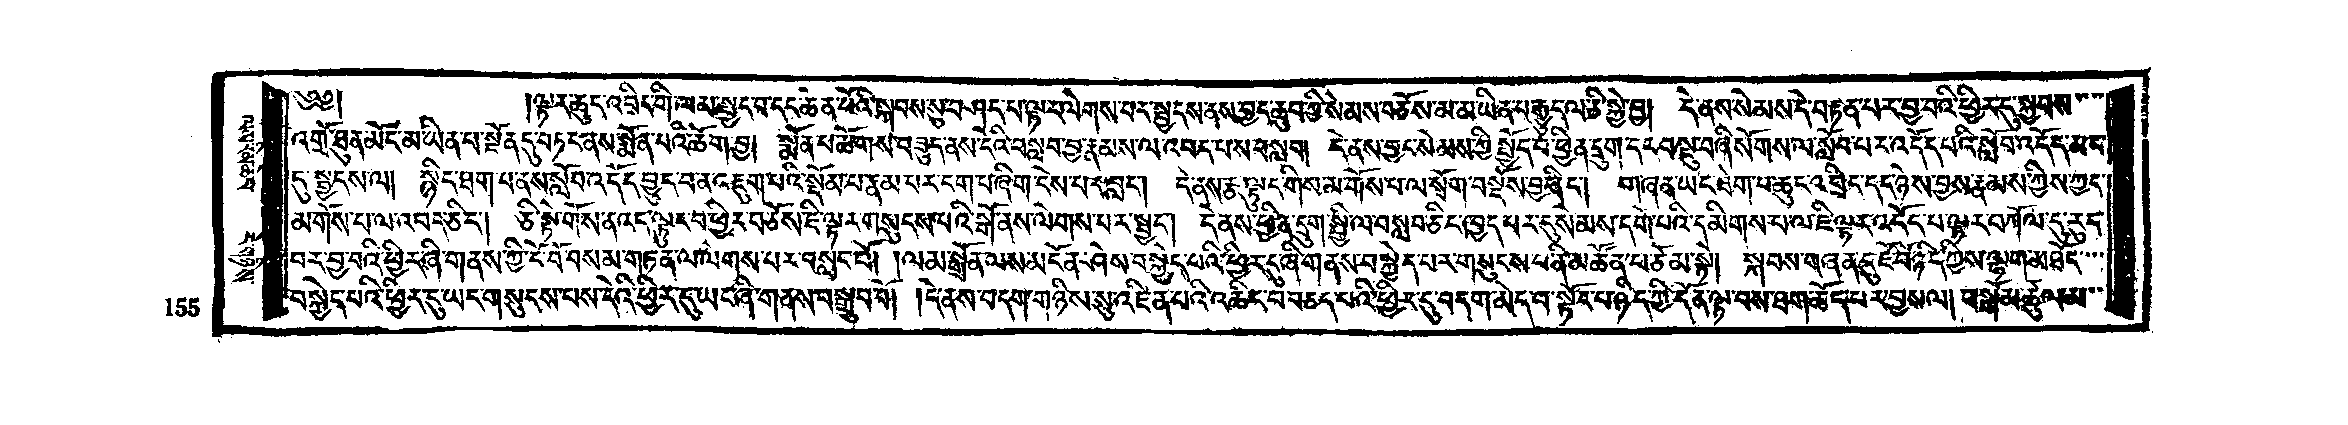༄༅། །ལྟར་ཆུང་འབྲིང་གི་ལམ་སྦྱང་བ་དང་ཆེན་པོའི་སྐབས་སུ་བཤད་པ་ལྟར་ལེགས་པར་སྦྱངས་ནས་བྱང་ཆུབ་ཀྱི་སེམས་བཅོས་མ་མ་ཡིན་པ་རྒྱུད་ལ་ཅི་སྐྱེ་བྱ། དེ་ནས་སེམས་དེ་བརྟན་པར་བྱ་བའི་ཕྱིར་དུ་སྐྱབས་
འགྲོ་ཐུན་མོང་མ་ཡིན་པ་སྔོན་དུ་བཏང་ནས་སྨོན་པའི་ཆོ་ག་བྱ། སྨོན་པ་ཆོ་གས་བཟུང་ནས་དེའི་བསླབ་བྱ་རྣམས་ལ་འབད་པས་བསླབ། དེ་ནས་བྱང་སེམས་ཀྱི་སྤྱོད་བ་ཕྱིན་དྲུག་དང་བསྡུ་བཞི་སོགས་ལ་སློབ་པར་འདོད་པའི་སློབ་འདོད་མང་
དུ་སྦྱངས་ལ། སྙིང་ཐག་པ་ནས་སློབ་འདོད་བྱུང་བ་ན་འཇུག་པའི་སྡོམ་པ་རྣམ་པར་དག་པ་ཞིག་ངེས་པར་བླང་། དེ་ནས་རྩ་ལྟུང་གིས་མ་གོས་པ་ལ་སྲོག་བསྔོས་བྱ་ཞིང་། གཞན་ཡང་ཐེག་པ་ཆུང་འབྲིང་དང་ཉེས་བྱས་རྣམས་ཀྱིས་ཀྱང་
ཕ༹མ་གོས་པ་ལ་འབད་ཅིང་། ཅི་སྟེ་གོས་ནའང་ལྟུང་བ་ཕྱིར་བཅོས་ཇི་ལྟར་གསུངས་པའི་སྒོ་ནས་ལེགས་པར་སྦྱང་། དེ་ནས་ཕྱིན་དྲུག་སྤྱི་ལ་བསླབ་ཅིང་ཁྱད་པར་དུ་སེམས་དགེ་པའི་དམིགས་པ་ལ་ཇི་ལྟར་འདོད་པ་ལྟར་བཀོལ་དུ་རུང་
བར་བྱ་བའི་ཕྱིར་ཞི་གནས་ཀྱི་ངོ་བོ་བསམ་གཏན་ལ་ལེགས་པར་བསླབ་བོ། །ལམ་སྒྲོན་ལས་མངོན་ཤེས་བསྐྱེད་པའི་ཕྱིར་དུ་ཞི་གནས་བསྐྱེད་པར་གསུངས་པ་ནི་མཚོན་པ་ཙམ་སྟེ། སྐབས་གཞན་དུ་ཇོ་བོ་ཉིད་ཀྱིས་ལྷག་མཐོང་
བསྐྱེད་པའི་ཕྱིར་དུ་ཡང་གསུངས་པས་དེའི་ཕྱིར་དུ་ཡང་ཞི་གནས་བསྒྲུབ་བོ། །དེ་ནས་བདག་གཉིས་སུ་འཛིན་པའི་འཆིང་བ་བཅད་པའི་ཕྱིར་དུ་བདག་མེད་པ་སྟོང་པ་ཉིད་ཀྱི་དོན་ལྟ་བས་ཐག་ཆོད་པར་བྱས་ལ། བསྒོམ་ཚུལ་མ་